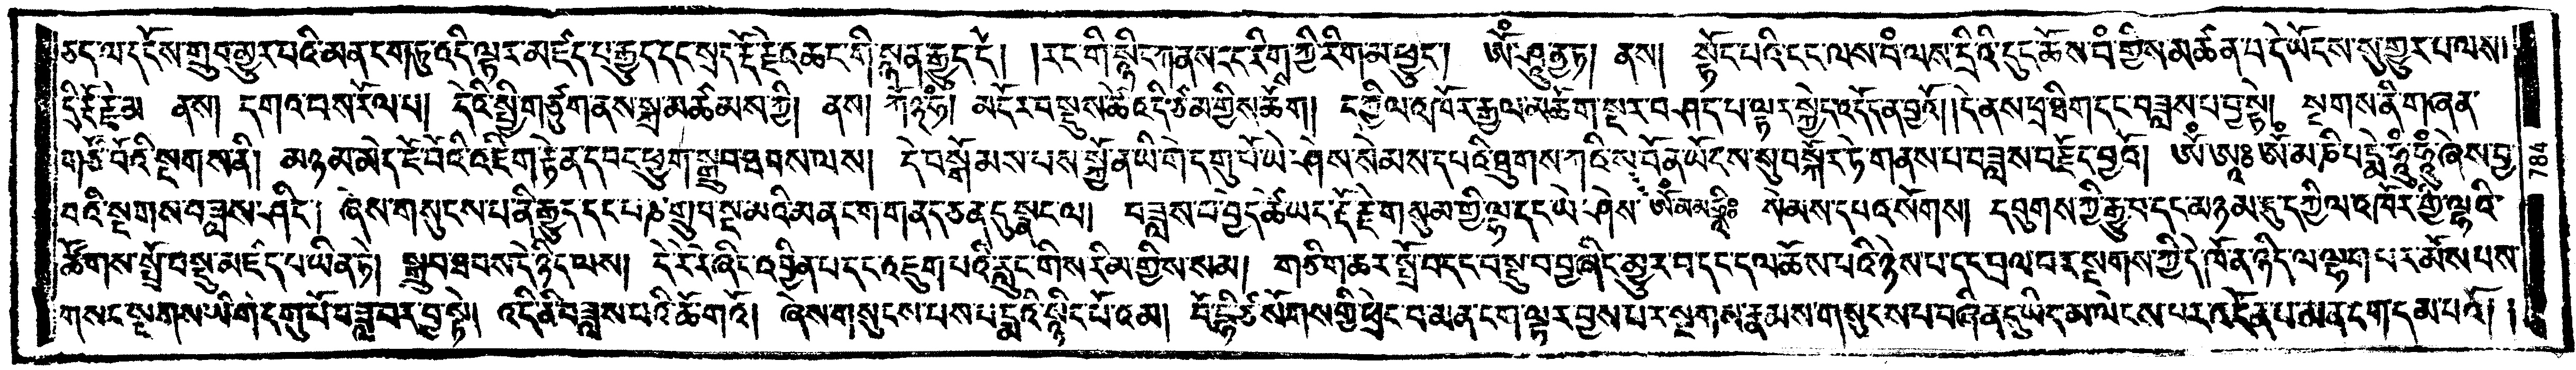ཅད་ལ་དངོས་གྲུབ་མྱུར་པའི་མན་ངག་ཏུ་འདི་ལྟར་མཛད་བརྒྱུད་དང་སྲད་རྡོ་རྗེ་འཆང་གི་སྙན་རྒྱུད་དོ། །རང་གི་སྙིང་ཀ་ནས་རང་རིགས་ཀྱི་རིག་མ་ཕྱུང་། ཨོཾ་ཤཱུནྱ་ཏ། ནས། སྟོང་པའི་ངང་ལས་བཾ་ལས་དྲིའི་དུད་ཆོས་བགྱིས་མཚན་འདི་ཡོངས་སུ་གྱུར་བ་ལས།
དྲི་རྡོ་རྗེ་མ་ནས། དགའ་བས་རོལ་པ། དེའི་སྤྱི་གཙུག་ནས་སྐྲ་མཚམས་ཀྱི། ནས། ཀོཉྷཾ། མདོར་བསྡུས་ཚེ་འདི་ཙམ་གྱིས་ཆོག། དཀྱིལ་འཁོར་རྒྱལ་མཆོག་སྔར་བཤད་པ་ལྟར་སྐྱེད་འདོད་ན་བྱའོ། །དེ་ནས་ཕྲ་ཐིག་དང་བཟླས་པ་བྱ་སྟེ། སྔགས་ནི་གཞན་
གཙོ་བོའི་སྔགས་ནི། མཉམ་མེད་ཇོ་བོའི་འཇིག་རྟེན་དབང་ཕྱུག་སྒྲུབ་ཐབས་ལས། དེ་བསྒོམས་པས་སྐྱོན་ཡི་གེ་དགུ་པོ་ཡེ་ཤེས་སེམས་དཔའི་ཐུགས་ཀའི་ས་བོན་ཡོངས་སུ་བསྐོར་ཏེ་གནས་པ་བཟླས་བྱའོ། ཨོཾ་ཨཱཿ ཨོཾ་མ་ཎི་པདམེ་ཧཱུཾ་ཧཱུཾ་ཞེས་བྱ་
བའི་སྔགས་བཟླས་ཤིང་། ཞེས་གསུངས་པ་ནི་རྒྱུད་དང་པཎ་གྲུབ་སྔ་མའི་མན་ངག་གནད་ཅན་དུ་སྣང་ལ། བཟླས་བ་བྱེད་ཚེ་ཡང་རྡོ་རྗེ་གསུམ་གྱི་ལྷ་དང་ཡེ་ཤེས་ཨོཾ་མ་མ་ཧྲཱིཿ སེམས་དཔའ་སོགས། དབུགས་ཀྱི་རྒྱུ་བ་དང་མཉམ་དུ་དཀྱིལ་འཁོར་གྱི་ལྷའི་
ཚོགས་སྦྲོ་བསྡུ་མཛད་པ་ཡིན་ཏེ། སྒྲུབ་ཐབས་དེ་ཉིད་ལས། དེ་རེ?་རེ་ཞིར་འབྱིན་པ་དང་འཇུག་པའི་རླུང་གིས་རིམ་གྱིས་སམ། གཅིག་ཆར་སྤྲོ་བ་དང་བསྡུ་བ་བྱ་ཞིང་མྱུར་བ་དང་དལ་ཆོས་པའི་ཉེས་པ་དང་བྲལ་བར་སྔགས་ཀྱི་དེ་ཁོ་ན་ཉིད་ལ་ལྷག་པར་མོས་པས་
གསང་སྔགས་ཡི་གེ་དགུ་པོ་བཟླ་བར་བྱ་སྟེ། འདི་ན་བཟླས་པའི་ཆོ་གའོ། ཞེས་གསུངས་པས་པདམའི་སྙིང་པོའམ། བོ་དྷི་ཙ་སོགས་ཀྱི་ཕྲེང་བ་མན་ངག་ལྟར་བྱས་པར་སྔགས་ནམས་གསུངས་པ་བཞིན་དུ་ཡིད་མ་ཡེངས་པར་འདོན་པ་མན་ངག་དམ་བའི། །